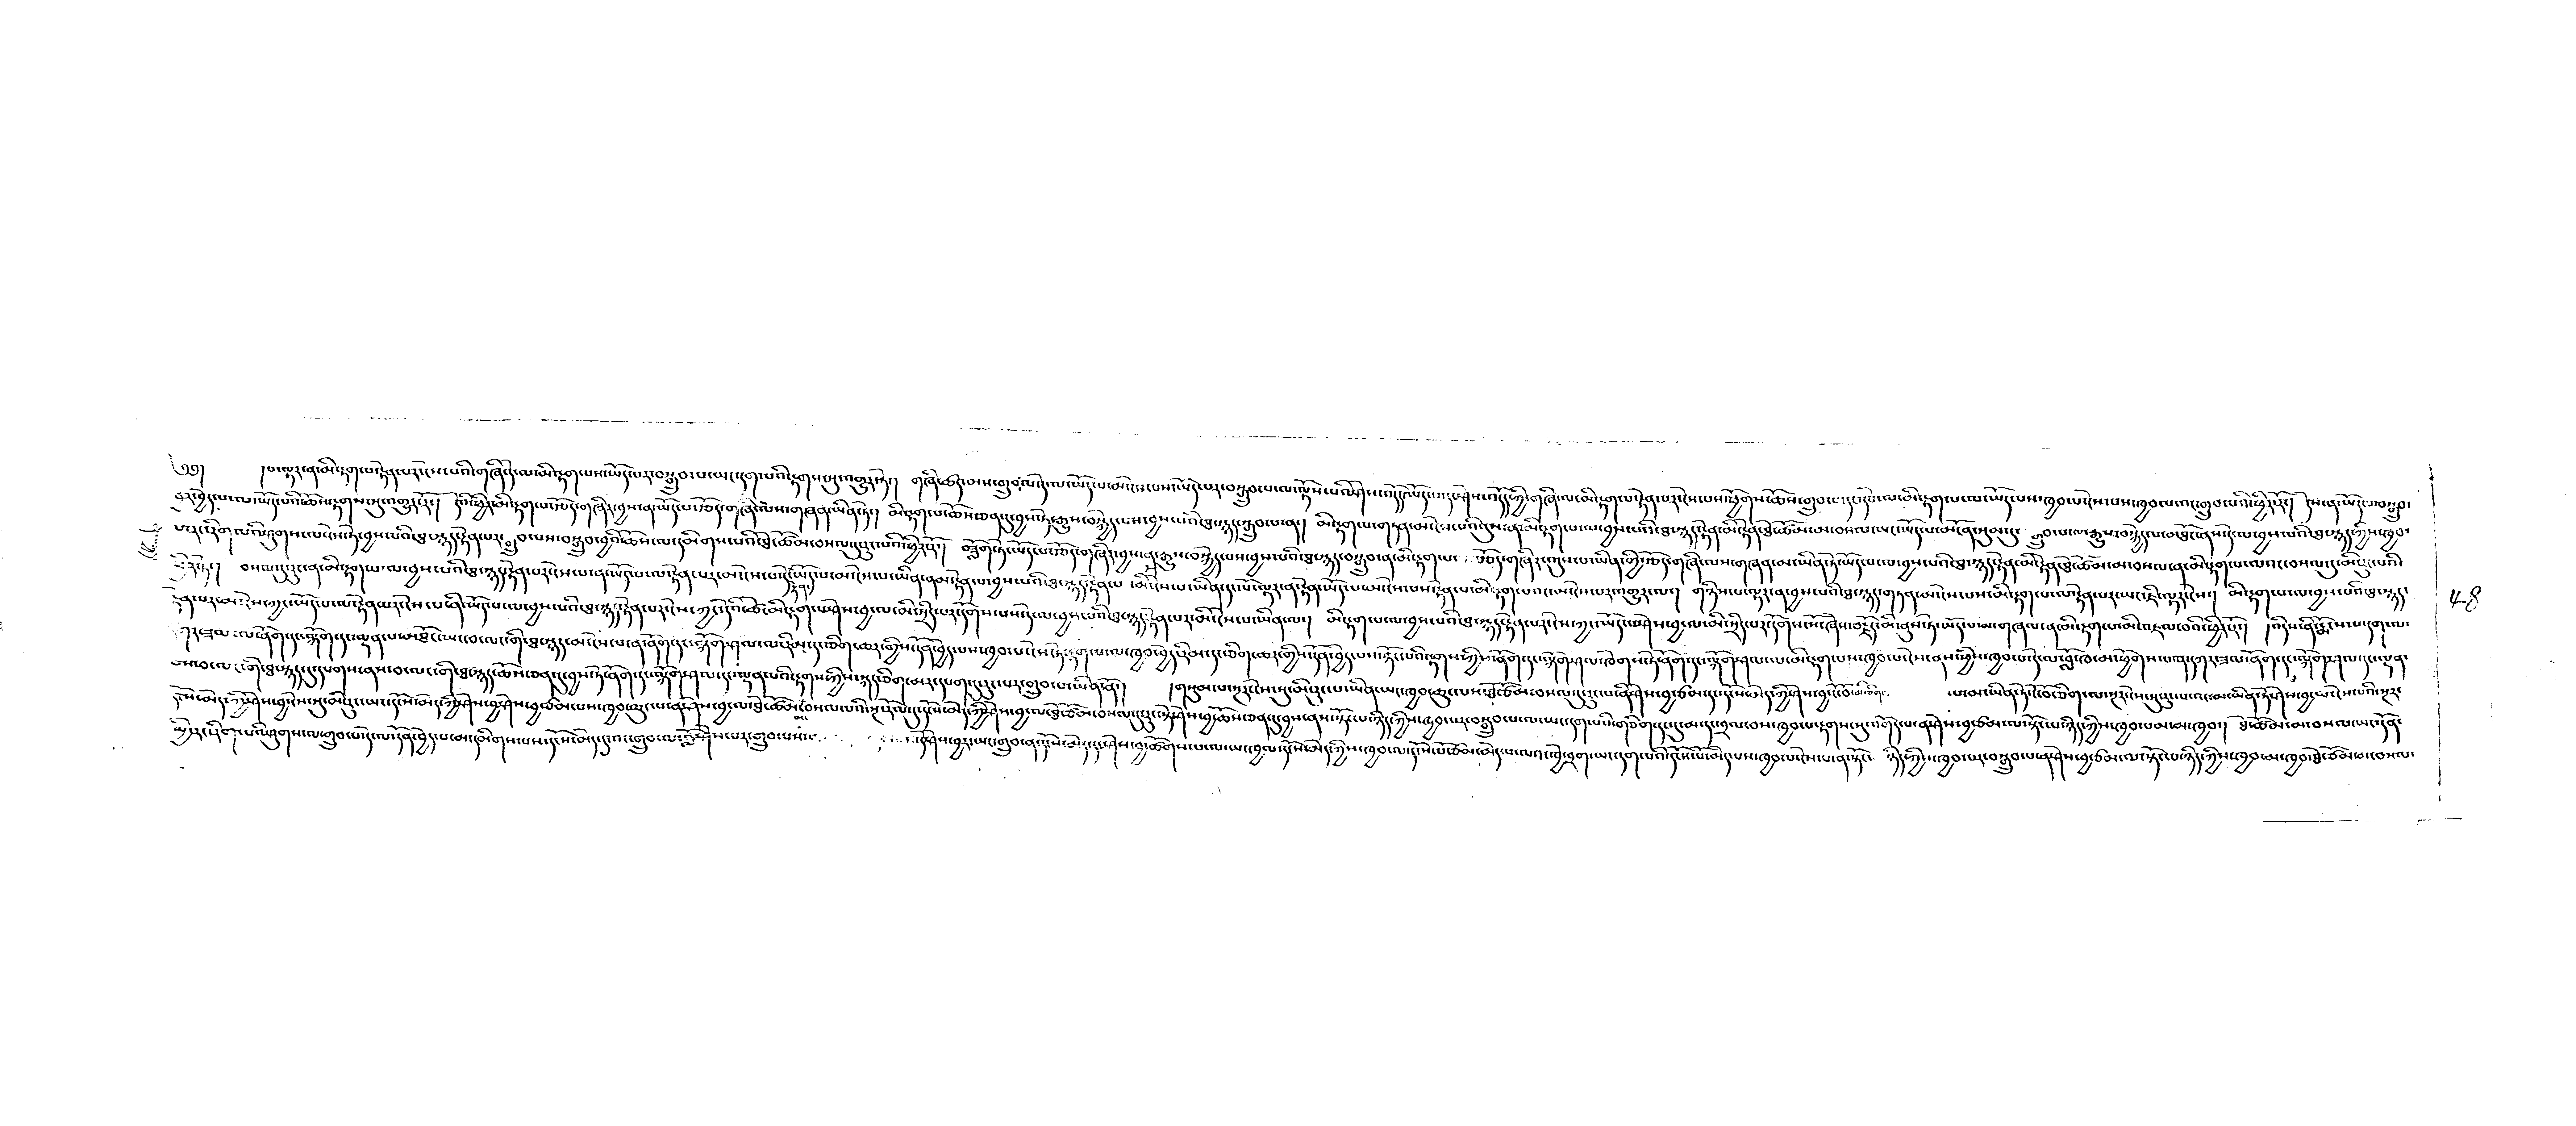༄༅། །པ་ལྟར་ན་མི་རྟག་པ་རྟེན་པར་ངེས་པའི་གཞི་དེ་ལ་མི་རྟག་པས་ཡོད་པར་བསྒྲུབ་པ་ཡང་དག་པའི་རྟགས་སུ་འགྱུར་སྟེ། གཞི་ཚད་མས་གྲུབ་ལ་དེ་ལ་ཡོད་པ་མ་ངེས་པས་ཡོད་པར་བསྒྲུབ་པ་ལ་ལྟོས་པའི་ཤེས་འདོད་ཡོད་པ་དང་ཤེས་འདོད་ཀྱི་གཞི་ལ་མི་རྟག་པ་རྟེན་པར་ངེས་པས་ཕྱོགས་ཆོས་གྲུབ་པ་དང་དཔེ་ལ་མི་རྟག་པ་ལ་ཡོད་པས་ཁྱབ་པ་ངེས་པས་ཁྱབ་པ་འང་གྲུབ་པའི་ཕྱིར་རོ། དེས་ན་ཡོད་པ་བསྒྲུབ་
བྱར་བྱེད་པ་ལ་ཡོད་པའི་ཆོས་རྟགས་སུ་འགྱུར་རོ། དེའི་ཕྱིར་མི་རྟག་པ་རྩོད་གཞིར་བྱས་ན་ཡོད་པ་རྩོད་གཞི་ལས་གཞན་ཡིན་ཏེ། མི་རྟག་པ་ཆོས་ཅན་དུ་བྱས་ཏེ་རྒྱུས་བསྐྱེད་པས་བྱས་པའི་ཐ་སྙད་སྒྲུབ་པ་ན། མི་རྟག་པ་གཏན་མ་ངེས་པའི་དུས་ན་མི་རྟག་པ་ལ་བྱས་པའི་ཐ་སྙད་རྟེན་མི་རྟེན་ཐེ་ཚོམ་མ་བསལ་ཡང་ཡོད་པ་མངོན་སུམ་དུ་སྒྲུབ་པ་ལ་རྒྱུས་བསྐྱེད་པ་མཐོང་ནས་དེ་ལ་བྱས་པའི་ཐ་སྙད་ཀྱིས་ཁྱབ་
པ་རང་རིག་པའི་ཤུགས་ལ་ངེས་ཏེ་བྱས་པའི་ཐ་སྙད་རྟེན་པར་སྒྲུབ་པས་བསྒྲུབ་བྱའི་ཆོས་ལ་དམིགས་པའི་ཐེ་ཚོམ་བསལ་དུ་རུང་པའི་ཕྱིར་རོ། བཟློག་ཏེ་ཡོད་པ་རྩོད་གཞིར་བྱས་ན?་རྒྱུས་བསྐྱེད་པས་བྱས་པའི་ཐ་སྙད་བསྒྲུབ་ན་མི་རྟག་པ་རྩོད་གཞིར་འདུས་པ་ཡིན་གྱི་རྩོད་གཞི་ལས་གཞན་མ་ཡིན་ཏེ་ཡོད་པ་ལ་བྱས་པའི་ཐ་སྙད་རྟེན་མི་རྟེན་ཐེ་ཚོམ་མ་བསལ་ན་མི་རྟག་པ་ལའང་བསལ་དུ་མི་རུང་པའི་
ཕྱིར་ཏེ། བསམ་དུ་རུང་ན་མི་རྟག་པ་ལ་བྱས་པའི་ཐ་སྙད་རྟེན་པར་ངེས་པ་ན་ཡོད་པ་ལ་རྟེན་པར་མ་ངེས་པ་དེ་རྟེན་ཡོད་པ་མ་ངེས་པ་ཡིན་ནམ་རྟེན་པ་བྱས་པའི་ཐ་སྙད་རྟེན་པ་མི་ངེས་པ་ཡིན་དང་པོ་ལྟར་ན་རྟེན་ཡོད་པ་མ་ངེས་པས་རྟེན་པ་མི་རྟག་པའང་མ་ངེས་པར་འགྱུར་ལ། གཉིས་པ་ལྟར་ན་བྱས་པའི་ཐ་སྙད་གཏན་མ་ངེས་པས་མི་རྟག་པ་ལ་རྟེན་པར་ཡང་ཇི་ལྟར་ངེས། མི་རྟག་པ་ལ་བྱས་པའི་ཐ་སྙད་
རྟེན་པར་མ་ངེས་ཀྱང་ཡོད་པ་མ་རྟེན་པར་ངེས་པ་ནི་ཡོད་པ་ལ་བྱས་པའི་ཐ་སྙད་རྟེན་པར་ངེས་ཀྱང་དེའི་ཚེ་མི་རྟག་པ་ཤེས་བྱ་ལ་མི་སྲིད་པར་དོགས་པས་དེ་ལ་བྱས་པའི་ཐ་སྙད་རྟེན་པར་མི་ངེས་པ་ཡིན་ལ། མི་རྟག་པ་ལ་བྱས་པའི་ཐ་སྙད་རྟེན་པར་ངེས་ཀྱང་ཡོད་བཤེས་བྱ་ལ་མི་སྲིད་པར་དོགས་སོ་ཞེས་བརྗོད་མི་ནུས་ཏེ་ཡོད་པ་ལ་གཞལ་ན་མི་རྟག་པ་མི་འཇལ་བའི་ཕྱིར་རོ། །འདིས་ནི་རྨོངས་པ་དག་ལ་
དཀར་ཟལ་ལ་ནོག་དང་ལྐོག་དང་ལྡན་པ་མཐོང་ཡང་བ་ལང་གི་ཐ་སྙད་མ་ངེས་པ་ན་ནོག་དང་ལྐོག་ཤལ་ལ་རིམ་དང་ཅིག་ཆར་གྱིས་དོན་བྱེད་པས་ཁྱབ་པ་ངེས་ཏེ་རྟག་པ་ལ་ཁྱབ་བྱེད་རིམ་དང་ཅིག་ཆར་གྱིས་དོན་བྱེད་པས་སྟོང་པའི་རྟགས་ཀྱིས་ནོག་དང་ལྐོག་ཤལ་ཁེགས་ཏེ་ནོག་དང་ལྐོག་ཤལ་པ་མི་རྟག་པས་ཁྱབ་པ་ངེས་ནས་ཕྱིས་ཁྱབ་པ་དེ་ལ་བློ་ཁ་མ་ཕྱོགས་པ་ན་དཀར་ཟལ་ནོག་དང་ལྐོག་ཤལ་དང་ལྡན་
པས་བ་ལང་གི་ཐ་སྙད་དུ་དཔགས་ནས་བ་ལང་གི་ཐ་སྙད་ཆོས་ཅན་དུ་བྱས་ཏེ་ནོག་དང་ལྐོག་ཤལ་དང་ལྡན་པའི་རྟགས་ཀྱིས་སྐད་ཅིག་མར་དཔག་དུ་རུང་པར་གྲུབ་པ་ཡིན་ནོ། །གསུམ་པ་སྔར་ངེས་སུ་མི་རུང་པ་ཡིན་ཡང་ཁྱབ་ཆུང་པས་ཐེ་ཚོམ་བསལ་དུ་རུང་པ་ནི་ཤེས་བྱ་ཙམ་དང་དངོས་མེད་ཀྱི་ཤེས་བྱ་ངོ་བོ་མི་ཅིག་?པ་མ་ཡིན་ཏེ་ངོ་བོ་ཅིག་ལ་སྔར་ངེས་སུ་རུང་པ་འང་མ་ཡིན་ཏེ་ཤེས་བྱ་མ་ངེས་པའི་སྔར་
དངོས་མེད་ཀྱི་ཤེས་བྱ་ངེས་སུ་མི་རུང་ཡང་དངོས་མེད་ཀྱི་ཤེས་བྱ་ཤེས་བྱ་ཙམ་པས་ཁྱབ་ཆུང་པ་ན་ཤེས་བྱ་ལ་ཐེ་ཚོམ་མ་བསལ་པའི་སྔ་རོལ་དུ་དངོས་མེད་ཀྱི་ཤེས་བྱ་ལ་ཐེ་ཙོམ་བསལ་དུ་རུང་སྟེ་ཤེས་བྱ་ཆོས་ཅན་དུ་བྱས་ནས་སྟོང་པ་ཉིད་ཀྱིས་ཁྱབ་པར་བསྒྲུབ་པ་ལ་ཡང་དག་པའི་གཅིག་དང་དུ་མ་དང་བྲལ་བས་ཁྱབ་པ་རྟགས་སུ་འགོད་པ་ན་ཤེས་བྱ་ཙམ་ལ་སྟོང་པ་ཉིད་ཀྱིས་ཁྱབ་པམ་མ་ཁྱབ། ཐེ་ཚོམ་མ་བསལ་ཡང་དོན་
སྤྱི་རང་རིག་པའི་ཤུགས་ལ་གྲུབ་པ་དེ་ལ་དོན་བྱེད་པ་མ་དམིགས་པས་དངོས་མེད་དུ་འང་གྲུབ་ལ་བློ་ཤེས་པར་གྲུབ་པས་??་དེ་ཤེས་བྱར་ཡང་གྲུབ་ན་དངོས་མེད་དང་ཤེས་བྱ་ཚོགས་པ་ལ་ཡ་ཁྱལ་དངོས་མེད་ཀྱིས་ཁྱབ་ལ་དངོས་པོ་ཙམ་མེ་པ་??་ཉིད་ཀྱིས་ཁྱབ་མ་ཁྱབ་ཐེ་ཙོམ་མ་བསལ་